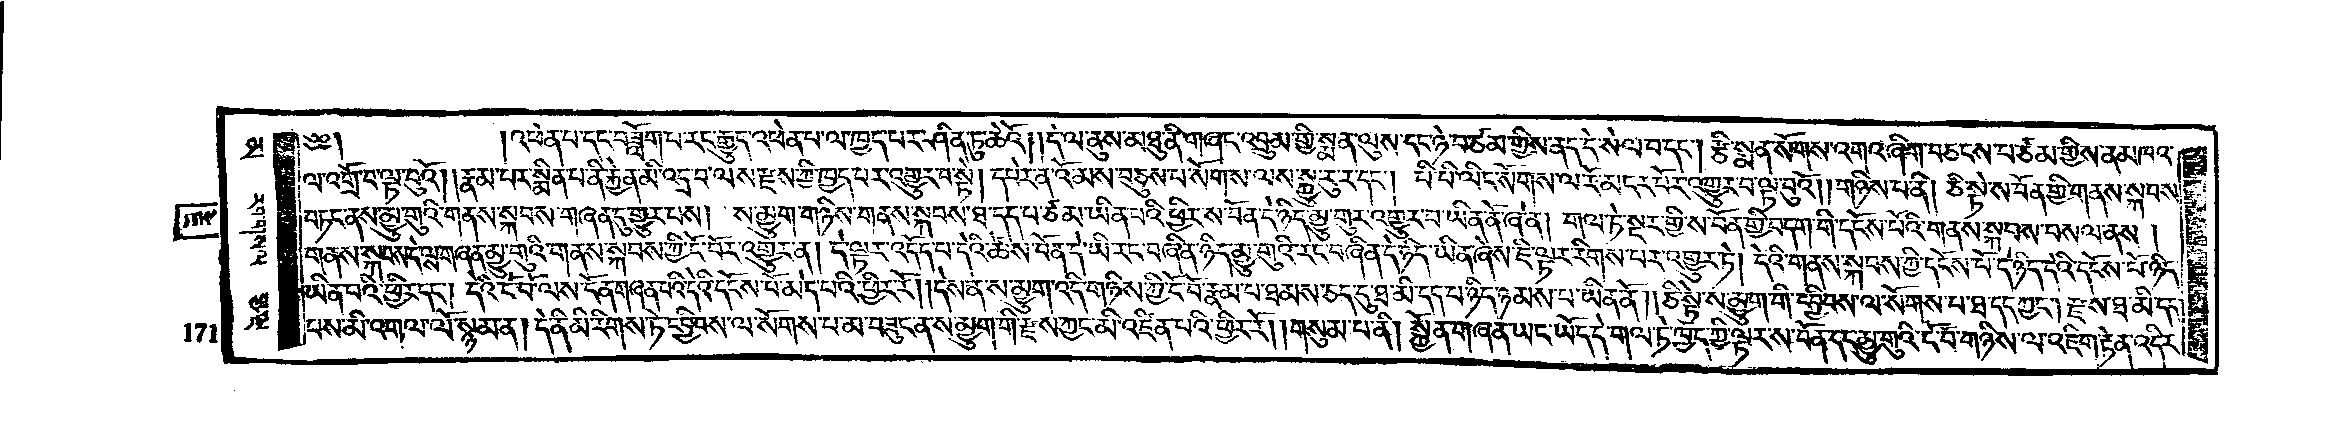༄༅། །འཕེན་པ་དང་བཟློག་པ་རང་རྒྱུད་འཕེན་པ་ལ་ཁྱད་པར་ཤིན་ཏུ་ཆེའོ། །དེ་ལ་ནུས་མཐུ་ནི་གཞང་འབྲུམ་གྱི་སྨན་ལུས་དང་ཉེ་བ་ཙམ་གྱིས་ནད་དེ་སེལ་བ་དང་། རྩི་སྨན་སོགས་འགའ་ཞིག་བཅངས་པ་ཙམ་གྱིས་ནམ་མཁའ་
ལ་འགྲོ་བ་ལྟ་བུའོ། །རྣམ་པར་སྨིན་པ་ནི་རྐྱེན་མི་འདྲ་བ་ལས་རྫས་ཀྱི་ཁྱད་པར་འགྱུར་བ་སྟེ། དཔེར་ན་འོ་མས་བཅུས་པ་སོགས་ལས་སྐྱུ་རུ་ར་དང་། པི་པི་ལིང་སོགས་ལ་རོ་མངར་པོར་འགྱུར་བ་ལྟ་བུའོ། །གཉིས་པ་ནི། ཅི་སྟེ་ས་བོན་གྱི་གནས་སྐབས་
བཏང་ནས་མྱུ་གུའི་གནས་སྐབས་གཞན་དུ་གྱུར་པས། ས་མྱུག་གཉིས་གནས་སྐབས་ཐ་དད་པ་ཙམ་ཡིན་པའི་ཕྱིར་ས་བོན་དེ་ཉིད་མྱུ་གུར་འགྱུར་བ་ཡིན་ནོ་ཞེ་ན། གལ་ཏེ་སྔར་གྱི་ས་བོན་གྱི་བདག་གི་དངོས་པོའི་གནས་སྐབས་བསལ་ནས།
གནས་སྐབས་དེ་ལས་གཞན་མྱུ་གུའི་གནས་སྐབས་ཀྱི་ངོ་བོར་འགྱུར་ན། དེ་ལྟར་འདོད་པ་དེའི་ཚེ་ས་བོན་དེ་ཡི་རང་བཞིན་ཉིད་མྱུ་གུའི་རང་བཞིན་དེ་ཉིད་ཡིན་ཞེས་ཇི་ལྟར་རིགས་པར་འགྱུར་ཏེ། དེའི་གནས་སྐབས་ཀྱི་དངོས་པོ་དེ་ཉིད་དེའི་དངོས་པོ་ཉིད་
ཡིན་པའི་ཕྱིར་དང་། དེའི་ངོ་བོ་ལས་དོན་གཞན་པའི་དེའི་དངོས་པོ་མེད་པའི་ཕྱིར་རོ། །དེས་ན་ས་མྱུག་འདི་གཉིས་ཀྱི་ངོ་བོ་རྣམ་པ་ཐམས་ཅད་དུ་ཐ་མི་དད་པ་ཉིད་ཉམས་པ་ཡིན་ནོ། །ཅི་སྟེ་ས་མྱུག་གི་དབྱིབས་ལ་སོགས་པ་ཐ་དད་ཀྱང་། རྫས་ཐ་མི་དད་
པས་མི་འགལ་ལོ་སྙམ་ན། དེ་ནི་མི་རིགས་ཏེ་དབྱིབས་ལ་སོགས་པ་མ་བཟུང་ན་ས་མྱུག་གི་རྫས་ཀྱང་མི་འཛིན་པའི་ཕྱིར་རོ། །གསུམ་པ་ནི། སྐྱོན་གཞན་ཡང་ཡོད་དེ་གལ་ཏེ་ཁྱོད་ཀྱི་ལྟར་ས་བོན་དང་མྱུ་གུའི་ངོ་བོ་གཉིས་ལ་འཇིག་རྟེན་འདིར་